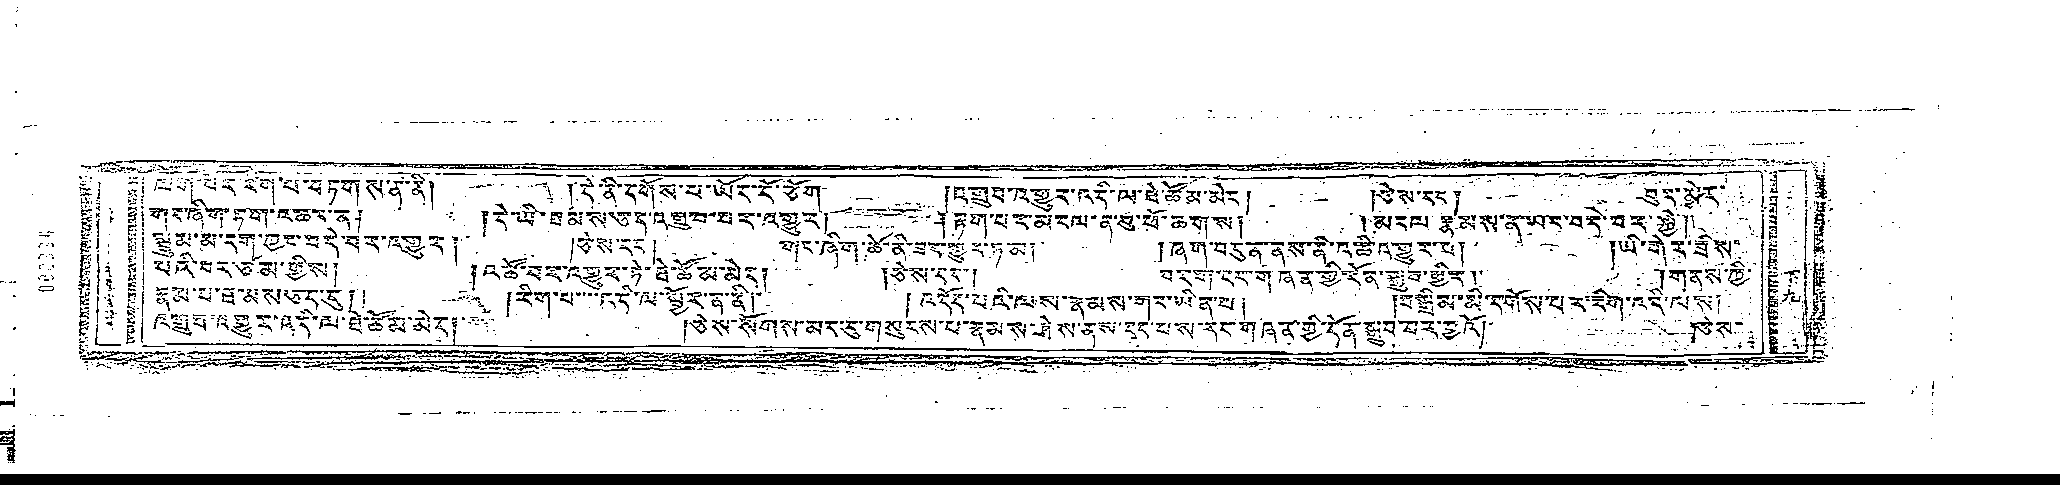ལག་པར་རིག་པ་བཏགས་ན་ནི། །དེ་ནི་དགོས་པ་ཡོད་དོ་ཅོག །འགྲུབ་འགྱུར་འདི་ལ་ཐེ་ཚོམ་མེད། །ཅེས་དང་། བུད་མེད་
གང་ཞིག་རྟག་འཆད་ན། །དེ་ཡི་ཐམས་ཅད་འགྲུབ་པར་འགྱུར། །རྟག་པར་མངལ་ན་བུ་ཕོ་ཆགས། །མངལ་རྣམས་ན་ཡང་བདེ་བར་སྐྱེ། །
སྤྲུམ་མ་དག་ཀྱང་བདེ་བར་འགྱུར། །ཅེས་དང་། གང་ཞིག་ཚེ་ནི་ཟད་གྱུར་ཏམ། །ཞག་བདུན་ནས་ནི་འཆི་འགྱུར་བ། ཡི་གེར་བྲིས།
པའི་བར་ཙམ་གྱིས། །འཚོ་བར་འགྱུར་ཏེ་ཐེ་ཚོམ་མེད། །ཅེས་དང་། བདག་དང་གཞན་གྱི་དོན་སྒྲུབ་ཕྱིར། །གནས་ཀྱི་
རྣམ་པ་ཐམས་ཅད་དུ། །རིག་པ་འདི་ལ་སྦྱོར་ན་ནི། །འདོད་པའི་ལས་རྣམས་གང་ཡིན་པ། །བསྒྲུབ་མི་དགོས་པར་རིག་འདི་ལས། །
འགྲུབ་འགྱུར་འདི་ལ་ཐེ་ཚོམ་མེད། །ཅེས་སོགས་མང་དུ་གསུངས་པ་རྣམས་ཤེས་ནས་དང་བས་རང་གཞན་གྱི་དོན་སྒྲུབ་པར་བྱའོ། །ཅེས་